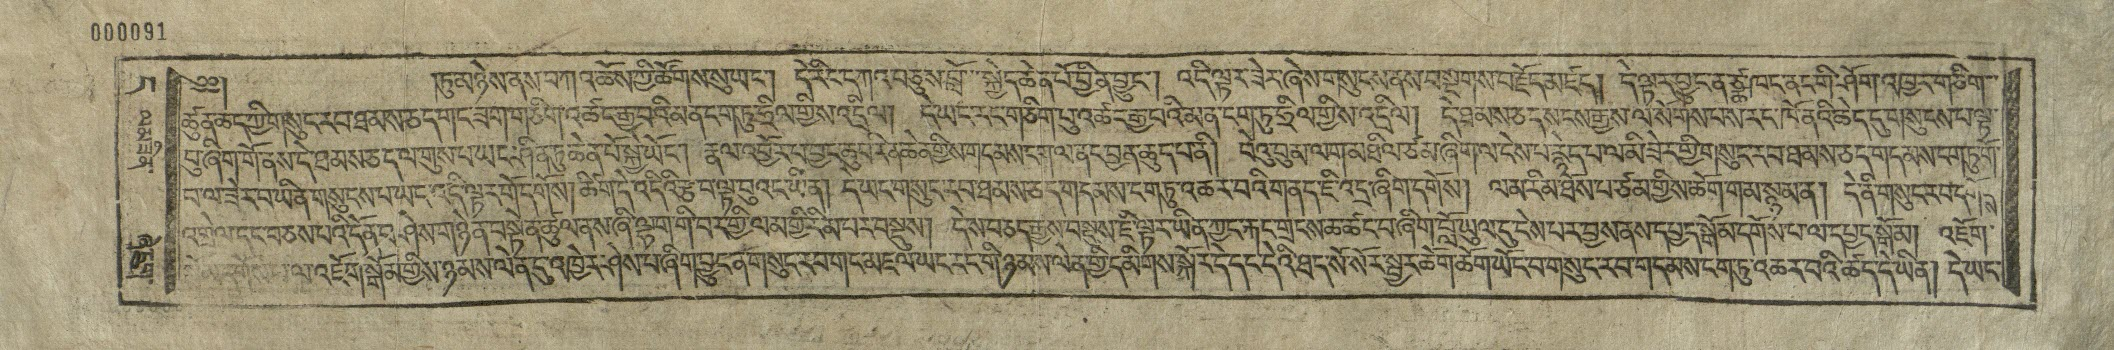༄༅། །ཏུ་མཉེས་ནས་བཀའ་ཆོས་ཀྱི་ཚོགས་སུ་ཡང་། དེ་རིང་དཀའ་བཅུས་བློ་སྐྱེད་ཆེན་པོ་བྱིན་བྱུང་། འདི་ལྟར་ཟེར་ཞེས་གསུངས་ནས་བསྔགས་བརྗོད་མཛད། དེ་ལྟར་བྱུང་ན་ཙྪ་?་ཁང་ནང་གི་ཤོག་འཁྱར་གཅིག་
ཚུན་ཆད་ཀྱི་གསུང་རབ་ཐམས་ཅད་གང་ཟག་གཅིག་འཚང་རྒྱ་བའི་མན་ངག་ཏུ་ཧྲིལ་གྱིས་འདྲིལ། དེ་ཡང་རང་གཅིག་པུ་འཚང་རྒྱ་བའི་མན་ངག་ཏུ་ཧྲིལ་གྱིས་འདྲིལ། དེ་ཐམས་ཅད་སངས་རྒྱས་ལ་སོགས་པས་རང་ཁོ་ནའི་ཆེད་དུ་གསུངས་པ་ལྟ་
བུ་ཞིག་གོ་ནས་དེ་ཐམས་ཅད་ལ་གུས་པ་ཡང་ཤིན་ཏུ་ཆེན་པོ་སྐྱེ་ཡོང་། རྣལ་འབྱོར་པ་བྱང་ཆུབ་རིན་ཆེན་གྱིས་གདམས་ངག་ལ་ནང་བྱན་ཆུད་པ་ནི། བེའུ་བུམ་ལག་མཐིལ་ཙམ་ཞིག་ལ་ངེས་པ་རྙེད་པ་ལ་མི་ཟེར་གྱི་གསུང་རབ་ཐམས་ཅད་གདམས་ངག་ཏུ་གོ་
བ་ལ་ཟེར་བ་ཡིན་གསུངས་པ་ཡང་འདི་ལྟར་གོ་དགོས། ཚིག་དེ་འདིའི་རྩ་བ་ལྟ་བུའང་ཡིན། དེ་ཡང་གསུང་རབ་ཐམས་ཅད་གདམས་ངག་ཏུ་འཆར་བའི་གནད་ཇི་འདྲ་ཞིག་དགོས། ལམ་རིམ་ཐོས་པ་ཙམ་གྱིས་ཆོག་གམ་སྙམ་ན། དེ་ནི་གསུང་རབ་དགོངས་
འགྲེལ་དང་བཅས་པའི་དོན་བཤེས་གཉེན་བསྟེན་ཚུལ་ནས་ཞི་ལྷག་གི་བར་གྱི་ལམ་གྱི་རིམ་པར་བསྡུས། དེ་ས་བཅད་རྒྱས་བསྡུས་ཇི་ལྟར་ཡིན་ཀྱང་རྐང་གྲངས་ཆ་ཚང་བ་ཞིག་བློ་ཡུལ་དུ་ངེས་པར་བྱས་ནས་དཔྱད་སྒོམ་དགོས་པ་ལ་དཔྱད་སྒོམ། འཇོག་
སྒོམ་དགོས་པ་ལ་འཇོག་སྒོམ་གྱིས་ཉམས་ལེན་དུ་འཁྱེར་ཤེས་པ་ཞིག་བྱུང་ན་གསུང་རབ་གང་མཇལ་ཡང་རང་གི་ཉམས་ལེན་གྱི་དམིགས་སྐོར་དེ་དང་དེའི་ཐད་སོ་སོར་སྦྱར་ཆོག་ཆོག་ཡོང་བ་གསུང་རབ་གདམས་ངག་ཏུ་འཆར་བའི་ཚད་དེ་ཡིན། དེ་ཡང་